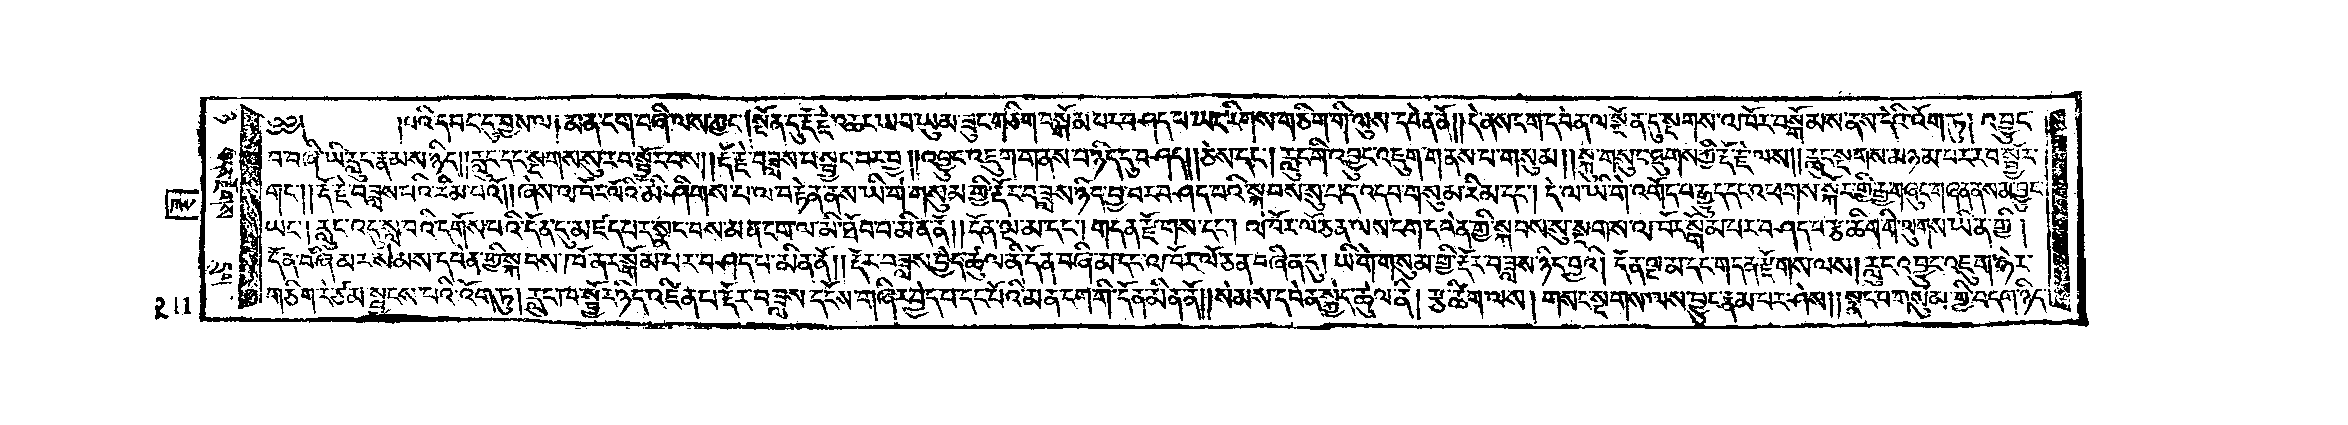༄༅། །པའི་དབང་དུ་བྱས་ལ། མན་ངག་བཞི་ལས་ཀྱང་། སྔོན་དུ་རྡོ་རྗེ་འཆང་ཡབ་ཡུམ་ཟུང་གཅིག་བསྒོམ་པར་བཤད་པ་ཡང་རིགས་གཅིག་གི་ལུས་དབེན་ནོ། །དེ་ནས་ངག་དབེན་ལ་སྔོན་དུ་སྔགས་འཁོར་བསྒོམས་ནས་དེའི་འོག་ཏུ། འབྱུང་
བ་བཞི་ཡི་རླུང་རྣམས་ཉིད། །རླུང་དང་སྔགས་སུ་རབ་སྦྱོར་བས། །རྡོ་རྗེ་བཟླས་པ་སྦྱང་བར་བྱ། །འབྱུང་འཇུག་གནས་པ་ཉིད་དུ་བཤད། །ཅེས་དང་། རླུང་གི་འབྱུང་འཇུག་གནས་པ་གསུམ། །སྐུ་གསུང་ཐུགས་ཀྱི་རྡོ་རྗེ་ལས། །རླུང་སྔགས་མཉམ་པར་རབ་སྦྱོར་
གང་། །རྡོ་རྗེ་བཟླས་པའི་རིམ་པའོ། །ཞེས་འཁོར་ལོའི་མི་ཤིགས་པ་ལ་བརྟེན་ནས་ཡི་གེ་གསུམ་གྱི་རྡོར་བཟླས་ཉིད་བྱ་བར་བཤད་པའི་སྐབས་སུ་པད་འདབ་གསུམ་རིམ་དང་། དེ་ལ་ཡི་གེ་འགོད་པ་རྒྱུད་དང་འཕགས་སྐོར་གྱི་རྒྱ་གཞུང་གཞན་ནས་མ་བྱུང་
ཡང་། རླུང་འདུ་སླ་བའི་དགོས་པའི་དོན་དུ་མཛད་པར་སྣང་བས་མན་ངག་ལ་མི་ཐོབ་པ་མིན་ནོ། །དོན་ལྔ་མ་དང་། གདན་རྫོགས་དང་། འཁོར་ལོ་ཅན་ལས་ངག་དབེན་གྱི་སྐབས་སུ་སྔགས་འཁོར་སྒོམ་པར་བཤད་པ་རྩ་ཚིག་གི་ལུགས་ཡིན་གྱི།
དོན་བཞི་མར་སེམས་དབེན་གྱི་སྐབས་ཁོ་ནར་སྒོམ་པར་བཤད་པ་མིན་ནོ། །རྡོར་བཟླས་བྱེད་ཚུལ་ནི་དོན་བཞི་མ་དང་འཁོར་ལོ་ཅན་བཞིན་དུ། ཡི་གེ་གསུམ་གྱི་རྡོར་བཟླས་ཉིད་བྱའི། དོན་ལྔ་མ་དང་གདན་རྫོགས་ལས། རླུང་འབྱུང་འཇུག་ཉེར་
གཅིག་རེ་ཙམ་སྦྱངས་པའི་འོག་ཏུ། རླུང་ཁ་སྦྱོར་ཉིད་འཛིན་པ་རྡོར་བཟླས་དངོས་གཞིར་བྱེད་པ་དང་པོའི་མན་ངག་གི་དོན་མིན་ནོ། །སེམས་དབེན་སྐྱེད་ཚུལ་ནི། རྩ་ཚིག་ལས། གསང་སྔགས་ལས་བྱུང་རྣམ་པར་ཤེས། །སྣང་བ་གསུམ་གྱི་བདག་ཉིད་